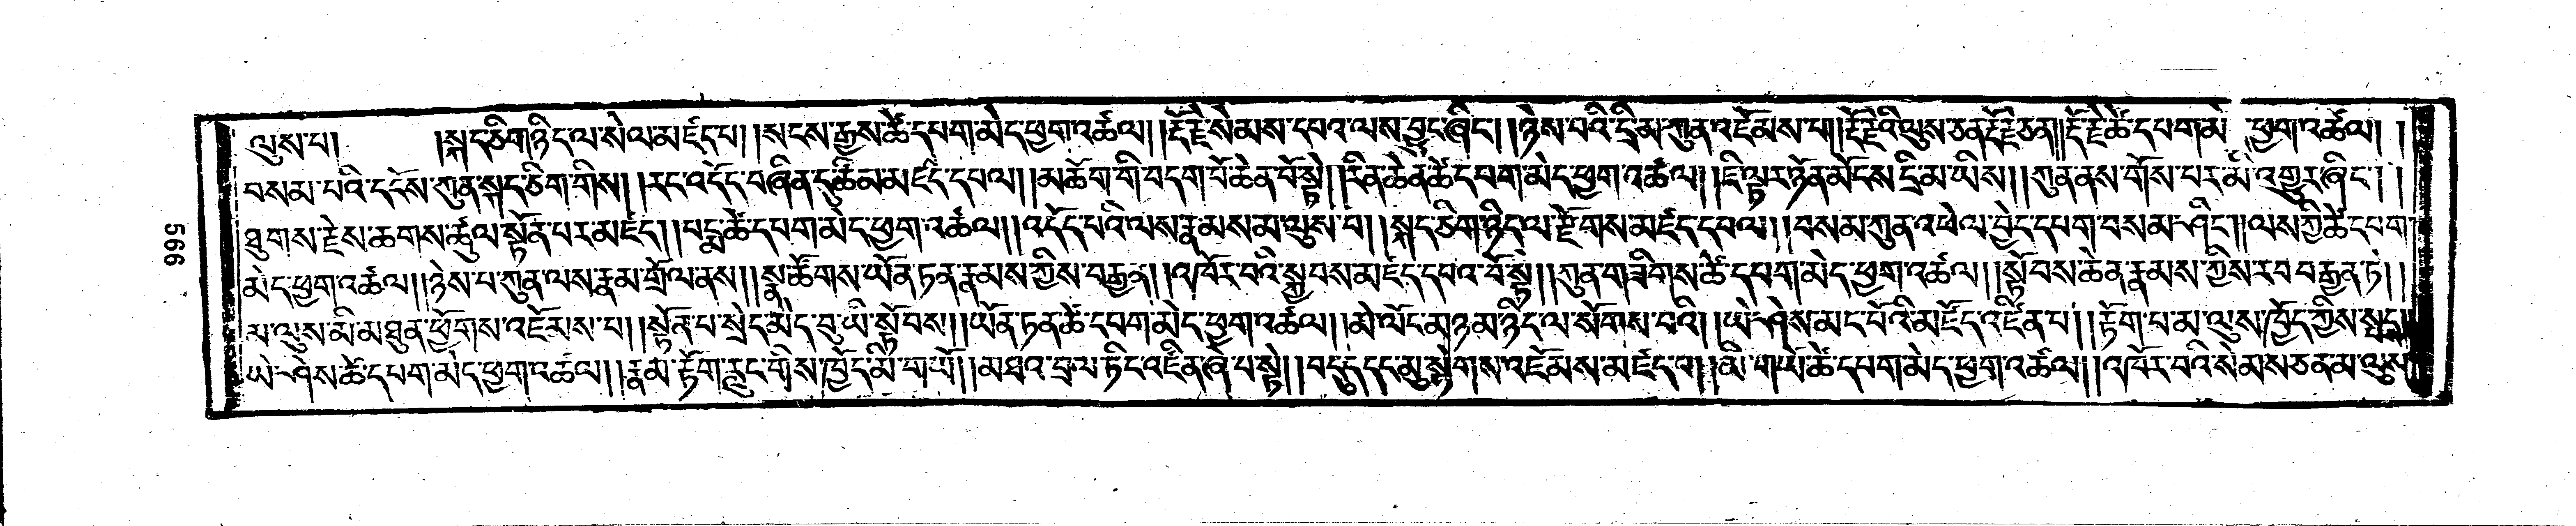ལུས་པ། །སྐད་ཅིག་ཉིད་ལ་སེལ་མཛད་པ། །སངས་རྒྱས་ཚེ་དཔག་མེད་ཕྱག་འཚལ། །རྡོ་རྗེ་སེམས་དཔའ་ལས་བྱུང་ཞིང་། །ཉེས་པའི་དྲི་མ་ཀུན་འཇོམས་པ། །རྡོ་རྗེའི་ལུས་ཅན་རྡོ་རྗེ་ཅན། །རྡོ་རྗེ་ཚེ་དཔག་མེད་ཕྱག་འཚལ། །
བསམ་པའི་དངོས་ཀུན་སྐད་ཅིག་གིས། །རང་འདོད་བཞིན་དུ་ཚིམ་མཛད་དཔལ། །མཆོག་གི་བདག་པོ་ཆེན་པོ་སྟེ། །རིན་ཆེན་ཚེ་དཔག་མེད་ཕྱག་འཚལ། །ཇི་ལྟར་ཉོན་མོངས་དྲི་མ་ཡིས། །ཀུན་ནས་གོས་པར་མི་འགྱུར་ཞིང་། །
ཐུགས་རྗེས་ཆགས་ཚུལ་སྟོན་པར་མཛད། །པདམ་ཚེ་དཔག་མེད་ཕྱག་འཚལ། །འདོད་པའི་ལས་རྣམས་མ་ལུས་པ། །སྐད་ཅིག་ཉིད་ལ་རྫོགས་མཛད་དཔལ། །བསམ་ཀུན་འཕེལ་བྱེད་དཔག་བསམ་ཤིང་། །ལས་ཀྱི་ཚེ་དཔག་
མེད་ཕྱག་འཚལ། །ཉེས་པ་ཀུན་ལས་རྣམ་གྲོལ་ནས། །སྣ་ཚོགས་ཡོན་ཏན་རྣམས་ཀྱིས་བརྒྱན། །འཁོར་བའི་སྐྱབས་མཛད་དཔའ་བོ་སྟེ། །ཀུན་གཟིགས་ཚེ་དཔག་མེད་ཕྱག་འཚལ། །སྟོབས་ཆེན་རྣམས་ཀྱིས་རབ་བརྒྱན་ཏེ། །
མ་ལུས་མི་མཐུན་ཕྱོགས་འཇོམས་པ། །སྟོན་པ་སྲེད་མེད་བུ་ཡི་སྟོབས། །ཡོན་ཏན་ཚེ་དཔག་མེད་ཕྱག་འཚལ། །མེ་ལོང་མཉམ་ཉིད་ལ་སོགས་པའི། །ཡེ་ཤེས་མང་པོའི་མཛོད་འཛིན་པ། །རྟོག་པ་མ་ལུས་ཁྱོད་ཀྱིས་སྤངས། །
ཡེ་ཤེས་ཚེ་དཔག་མེད་ཕྱག་འཚལ། །རྣམ་རྟོག་རླུང་གིས་ཁྱོད་མི་གཡོ། །མཐའ་བྲལ་ཏིང་འཛིན་ཞེ་པ་སྟེ། །བདུད་དང་མུ་སྟེགས་འཇོམས་མཛད་པ། །མི་གཡོ་ཚེ་དཔག་མེད་ཕྱག་འཚལ། །འཁོར་བའི་སེམས་ཅན་མ་ལུས་